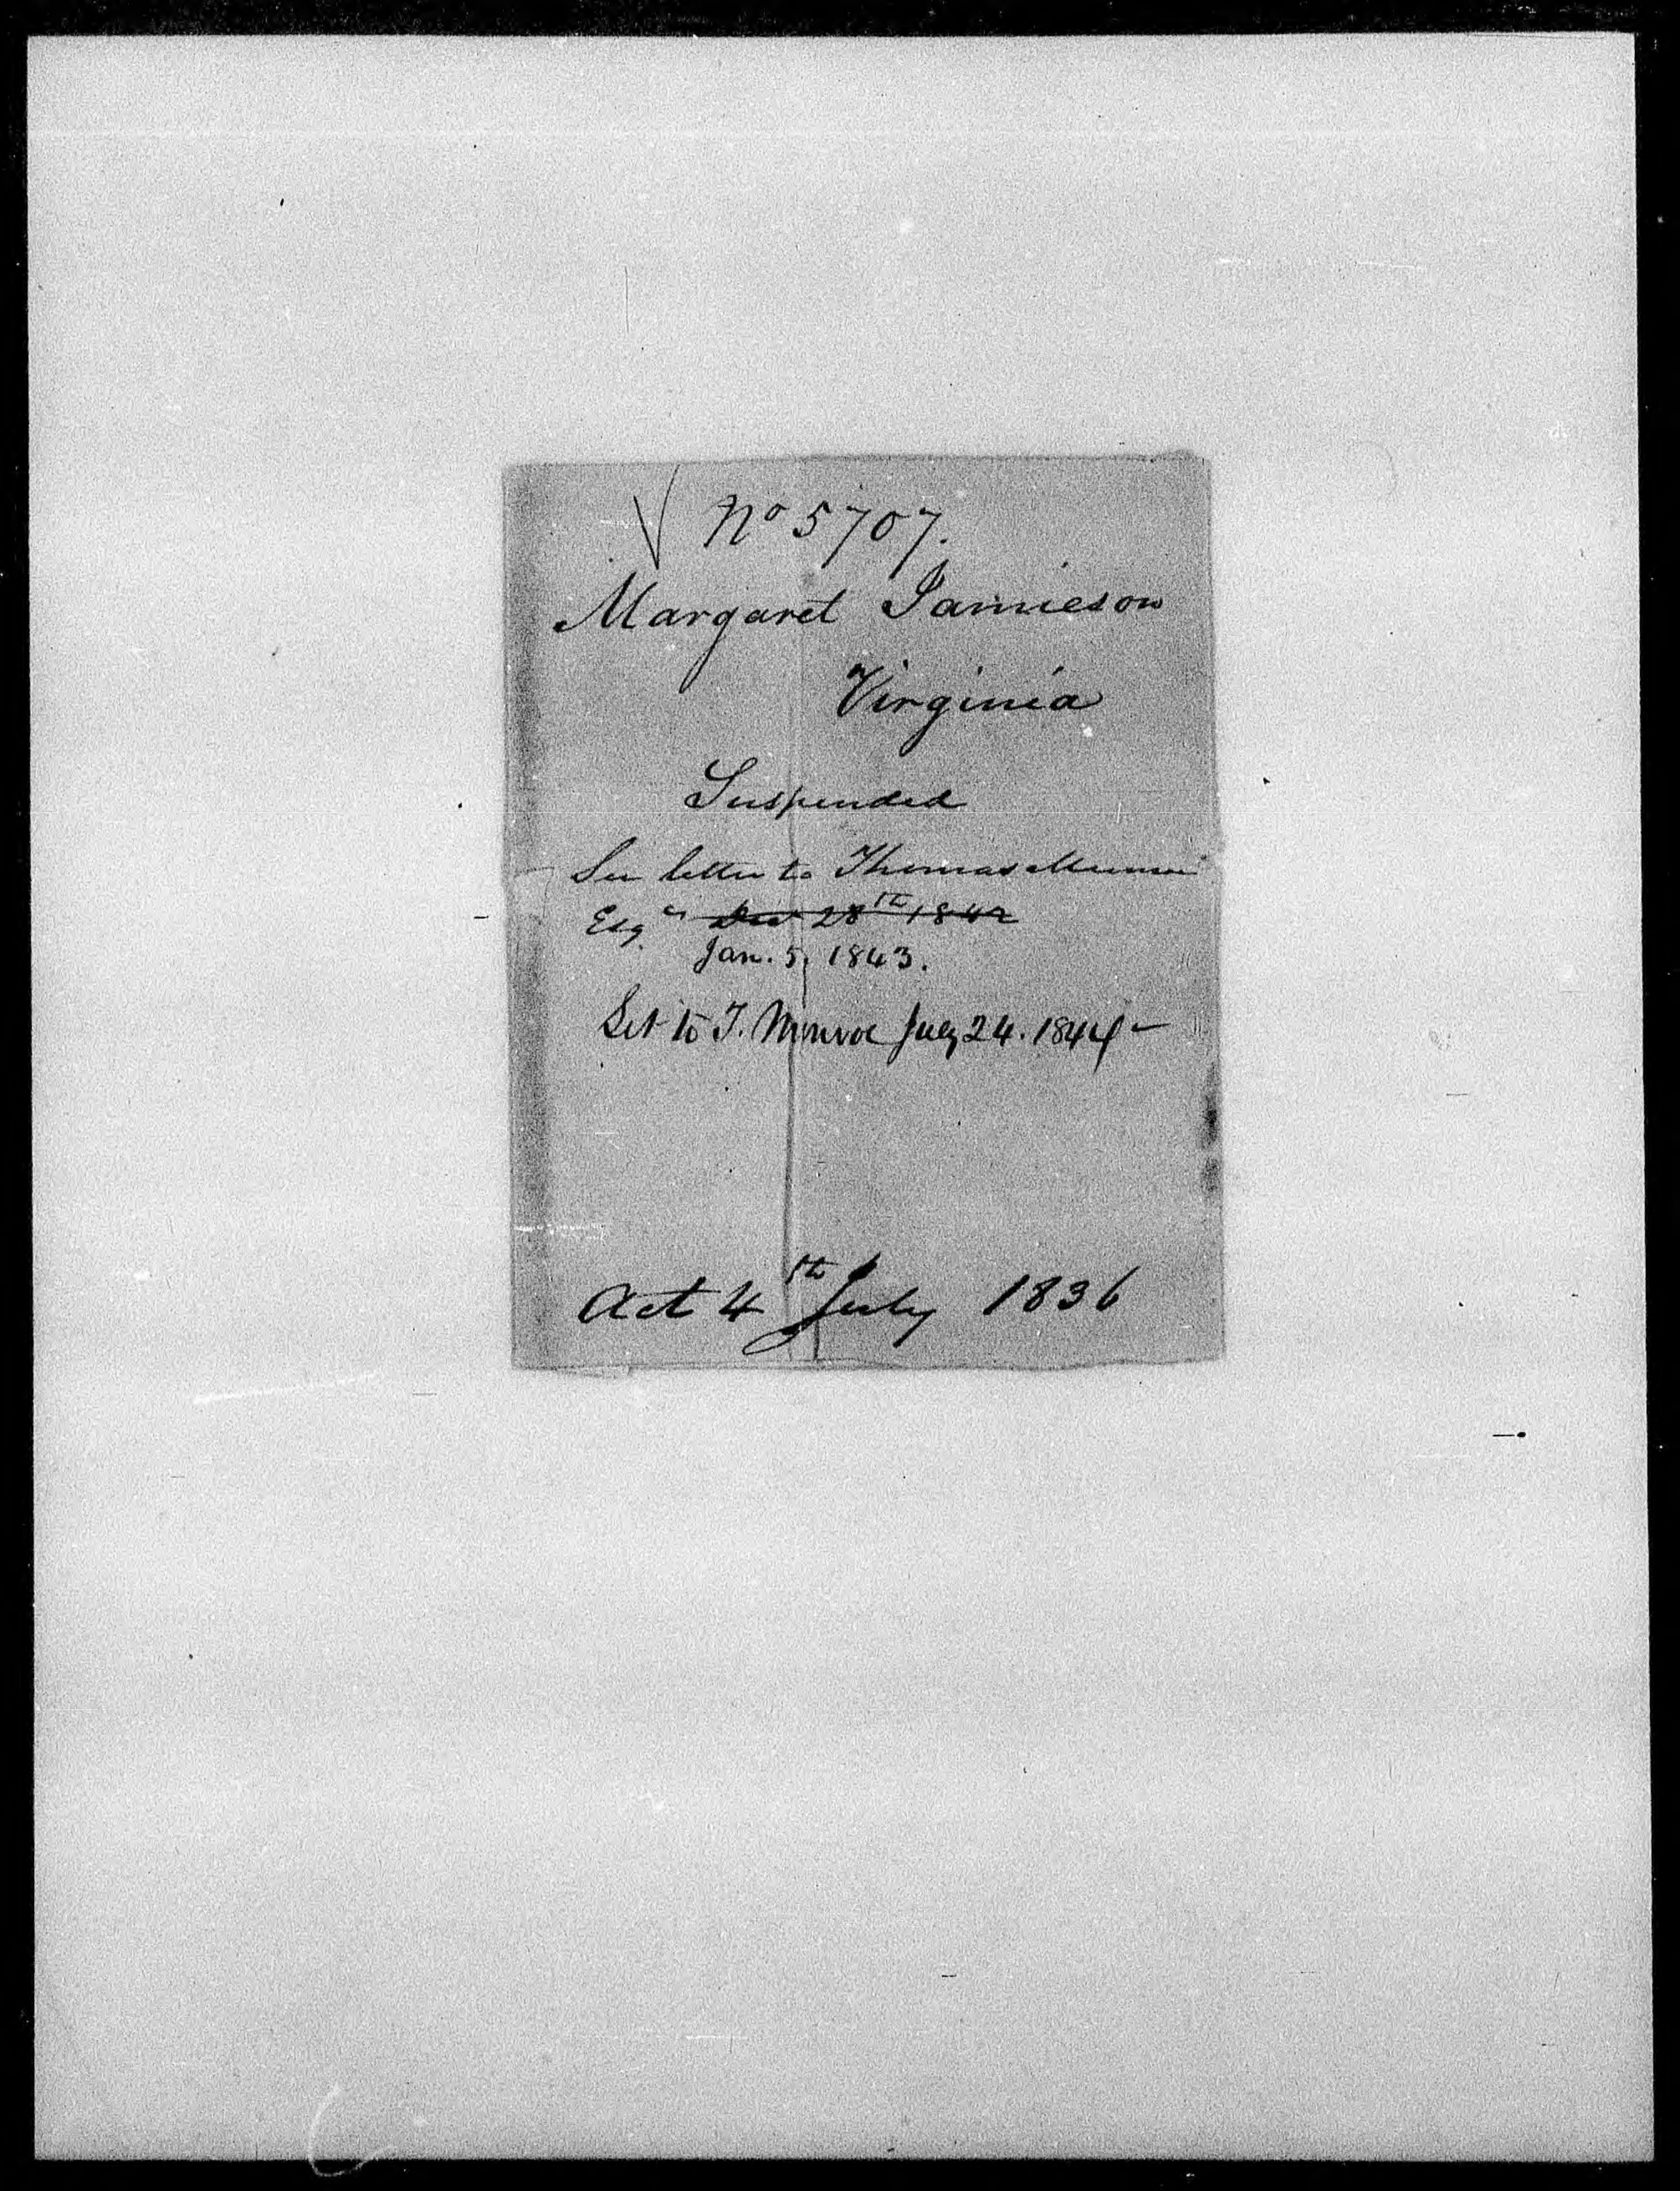No 5707
Margaret Jamieson
Virginia
Suspended
See letter to Thomas Monroe
Esq  [crossed out:" Dec 28th 1842"]
Jan 5, 1843.
set to T. Monroe July 24, 1844

Act 4th July 1836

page: 21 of 28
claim: widow's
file: W. 5112, for Samuel Jamieson, Virginia